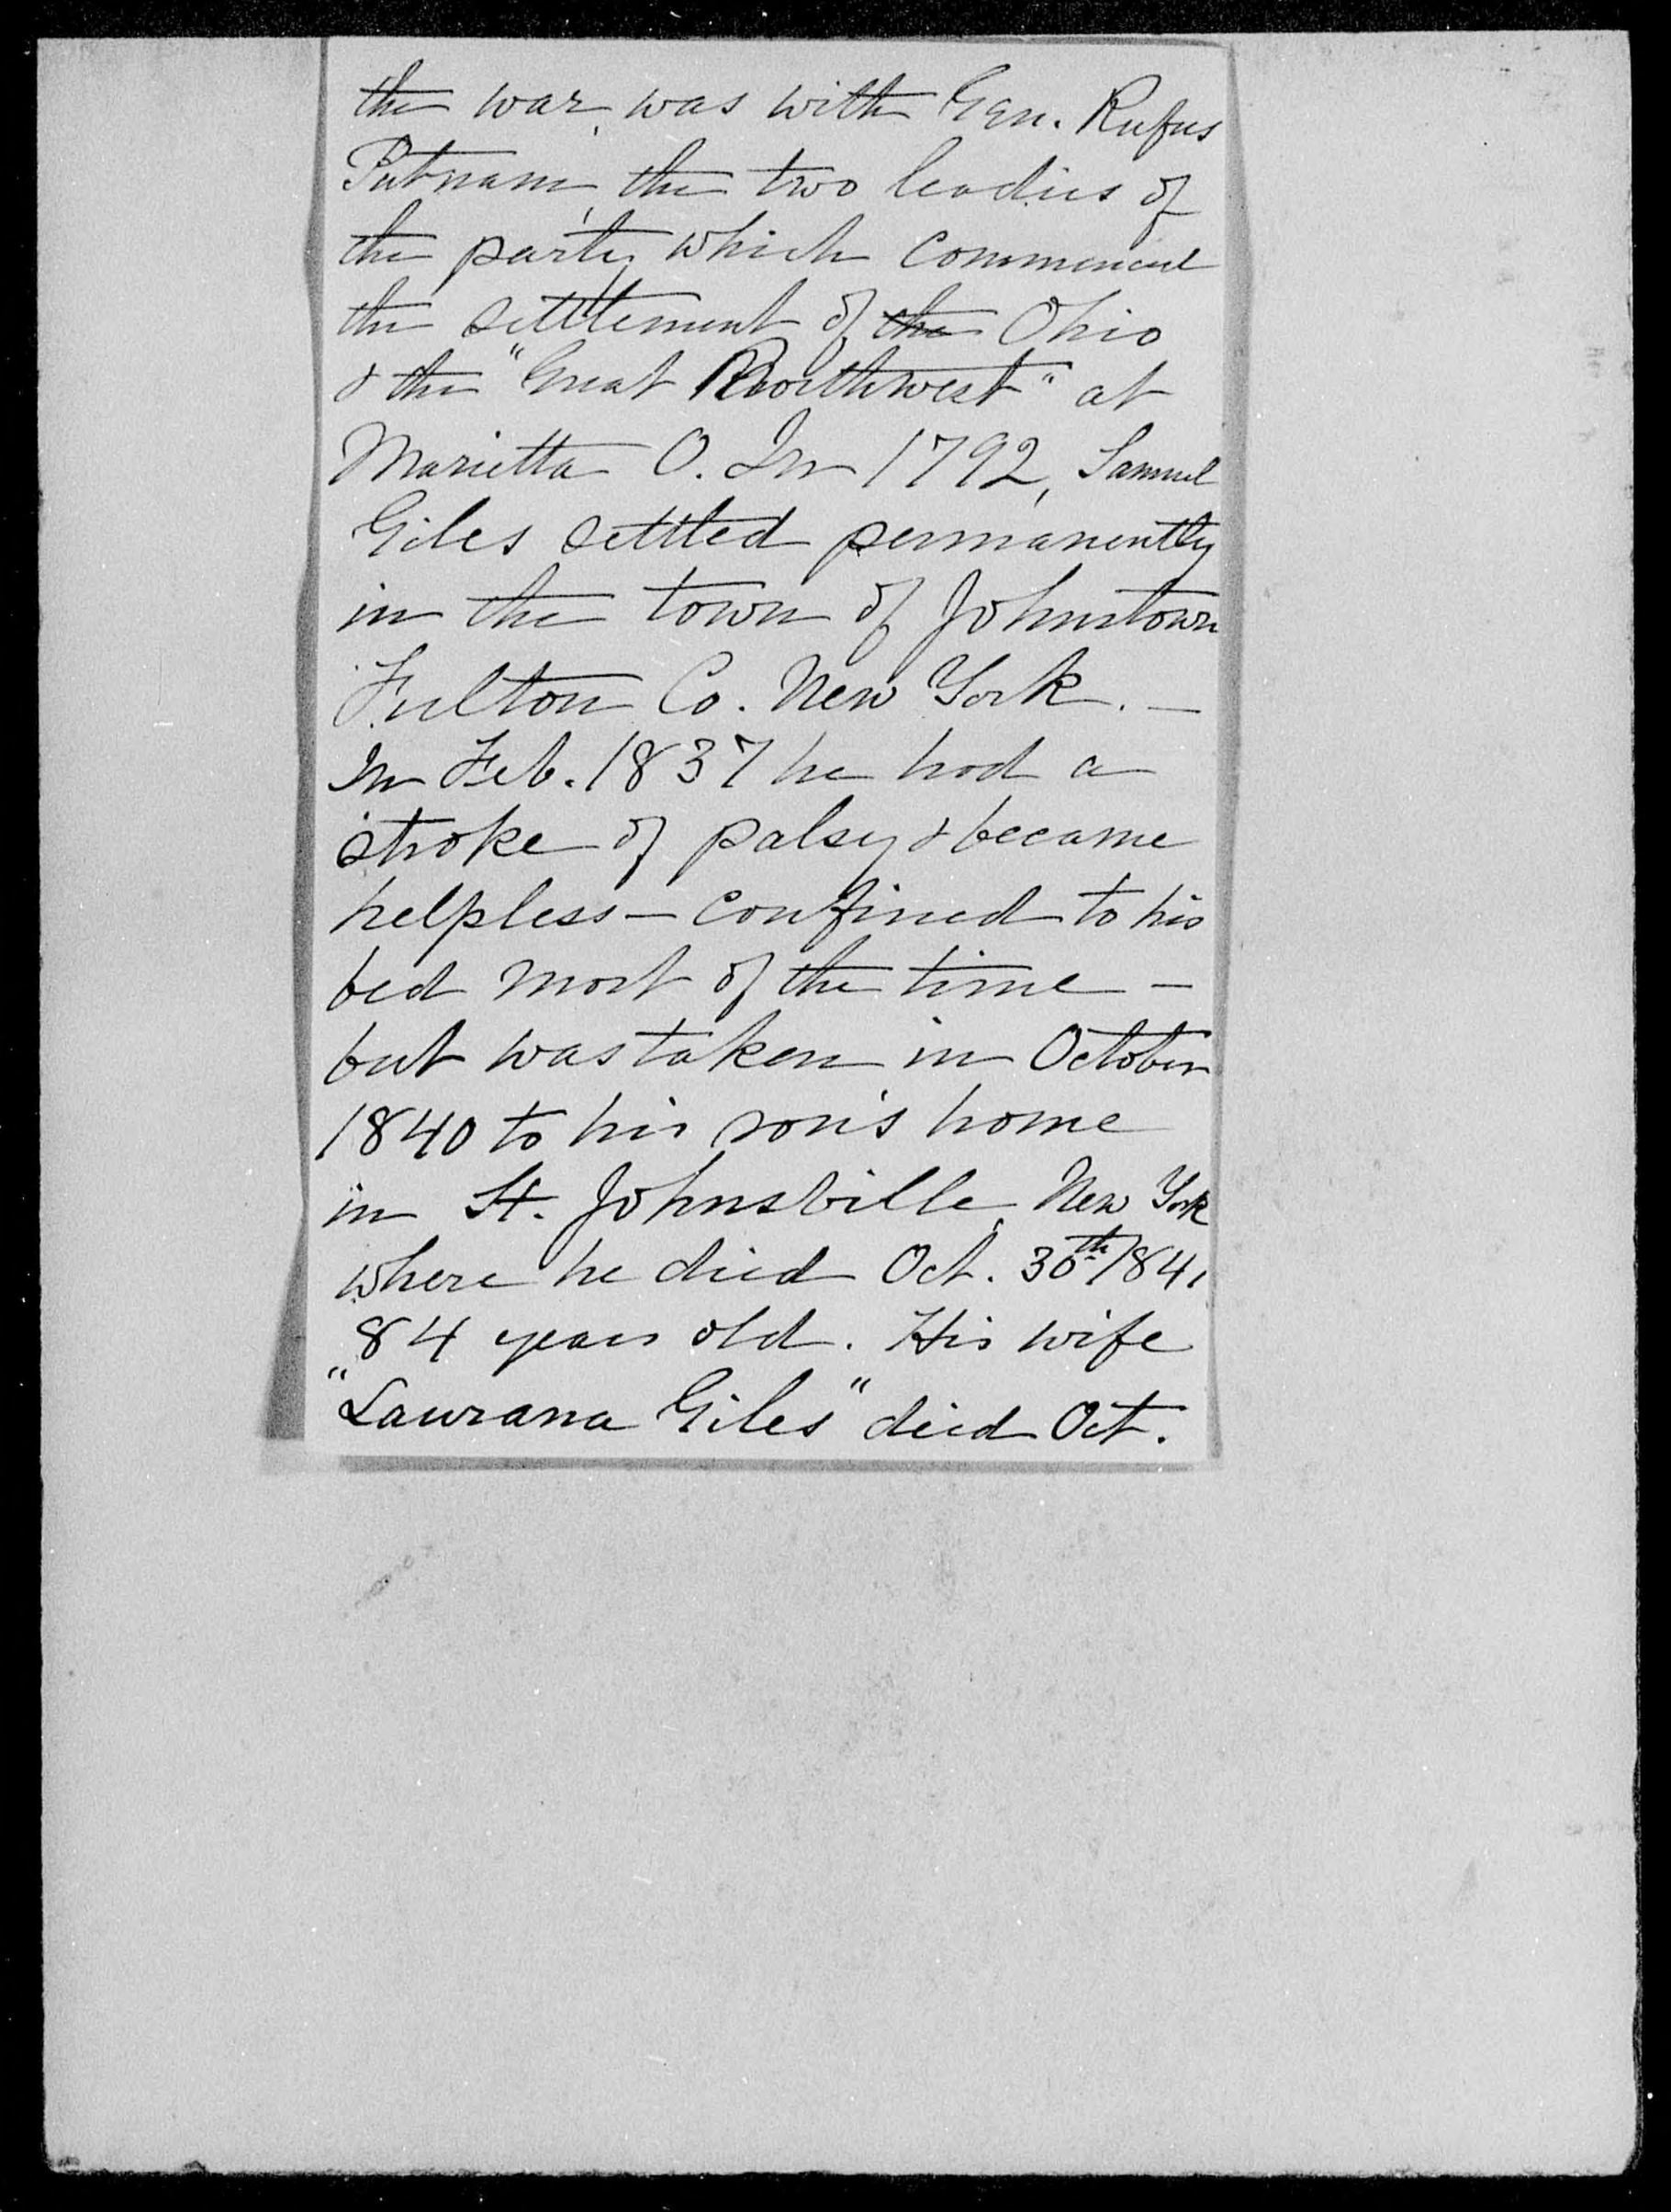the war was with Gen. Rufus Putnam the two leaders of the party which commenced the settlement of ["the" crossed out] Ohio + the "Great Northwest" at Marietta O. In 1792, Samuel Giles settled permanently in the town of Johnstown, Fulton Co. New York. __ In Feb. 1837 he had a stroke of palsy + became helpless -- confined to his bed most of the time -- but was taken in October 1840 to his son's home in St. Johnsville New York where he died Oct. 30th 1841 84 years old. His wife "Laurana Giles" died Oct.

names: Laurana Giles, Samuel Giles, Rufus Putnam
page: 25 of 55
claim: widow's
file: W. 19503, Samuel Giles, Conti. Mass. New York